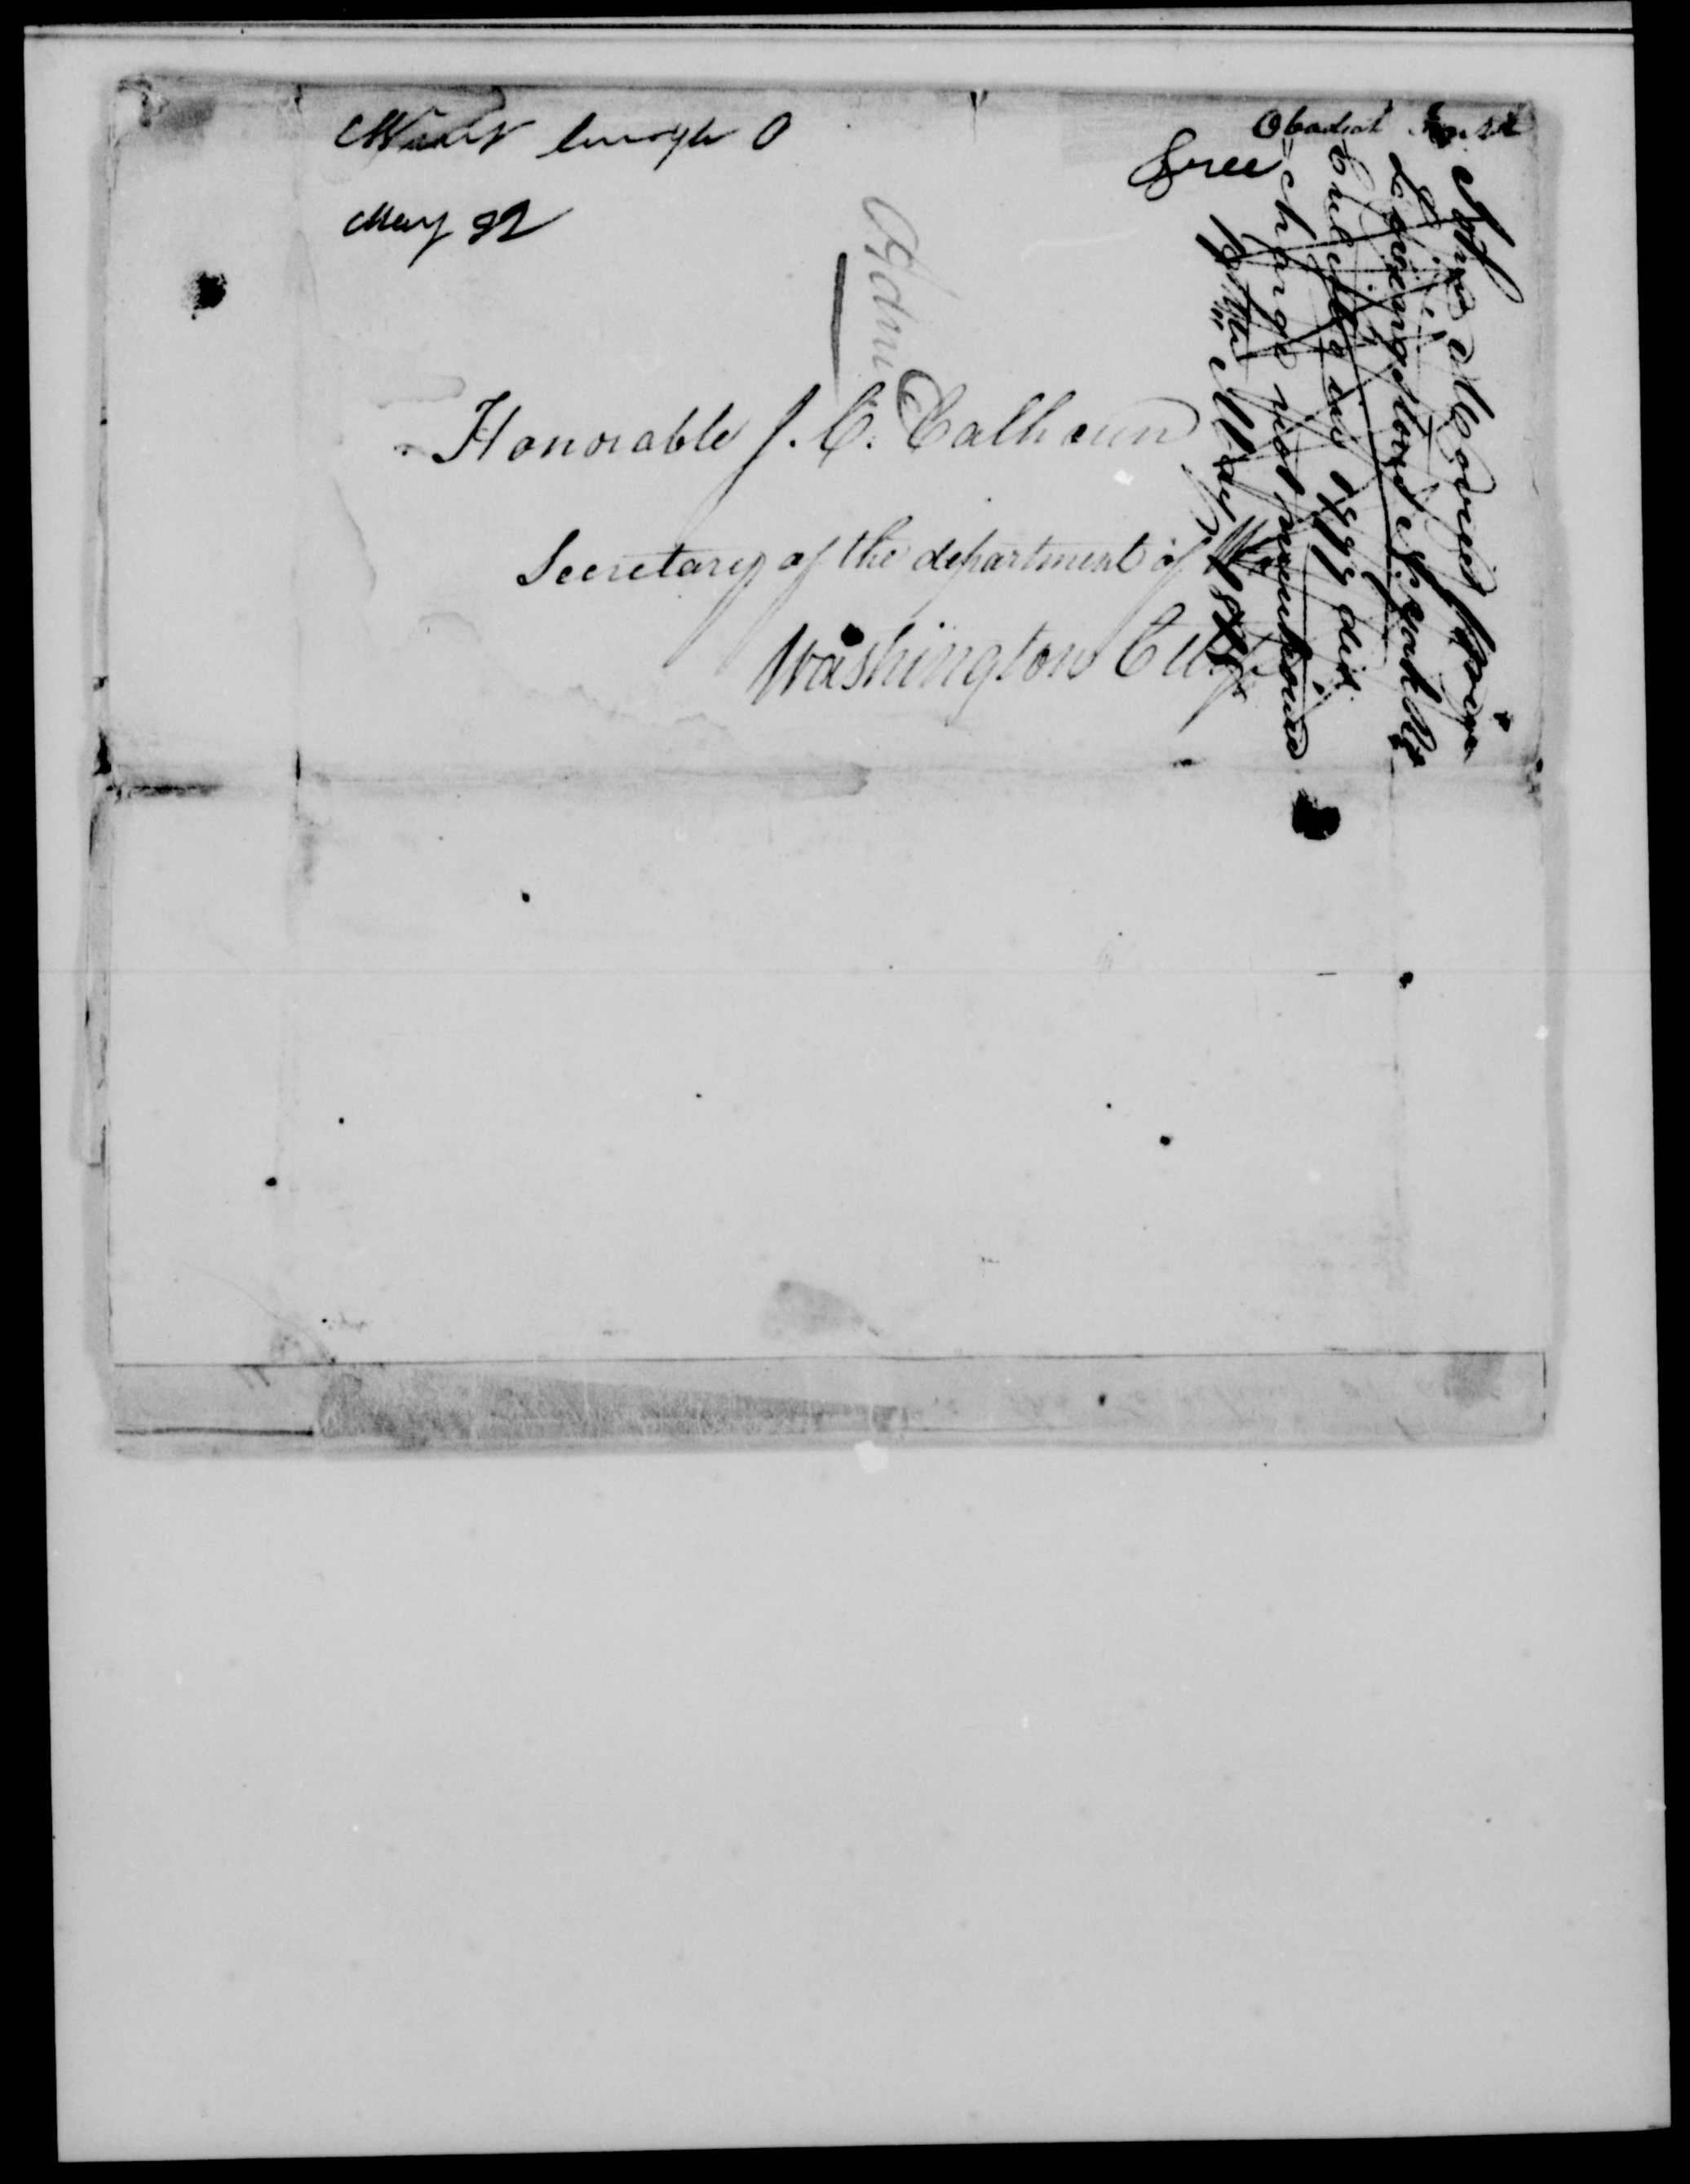Harris burgh O May 92 
Adm 
Honorable J. C. Calhoun Secretary of the department of War Washington City 
Obadiah Smith free 

[the following is written sideways and apparently crossed out, mostly illegible:] John Morris [illegible] 
Livingston N. York [illegible]1777  discharge not presented 
19th May 1818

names: J C Calhoun; Obadiah Smith; John Morris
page: 7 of 66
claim: survivor's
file: S 40458, for Obadiah Smith, New York